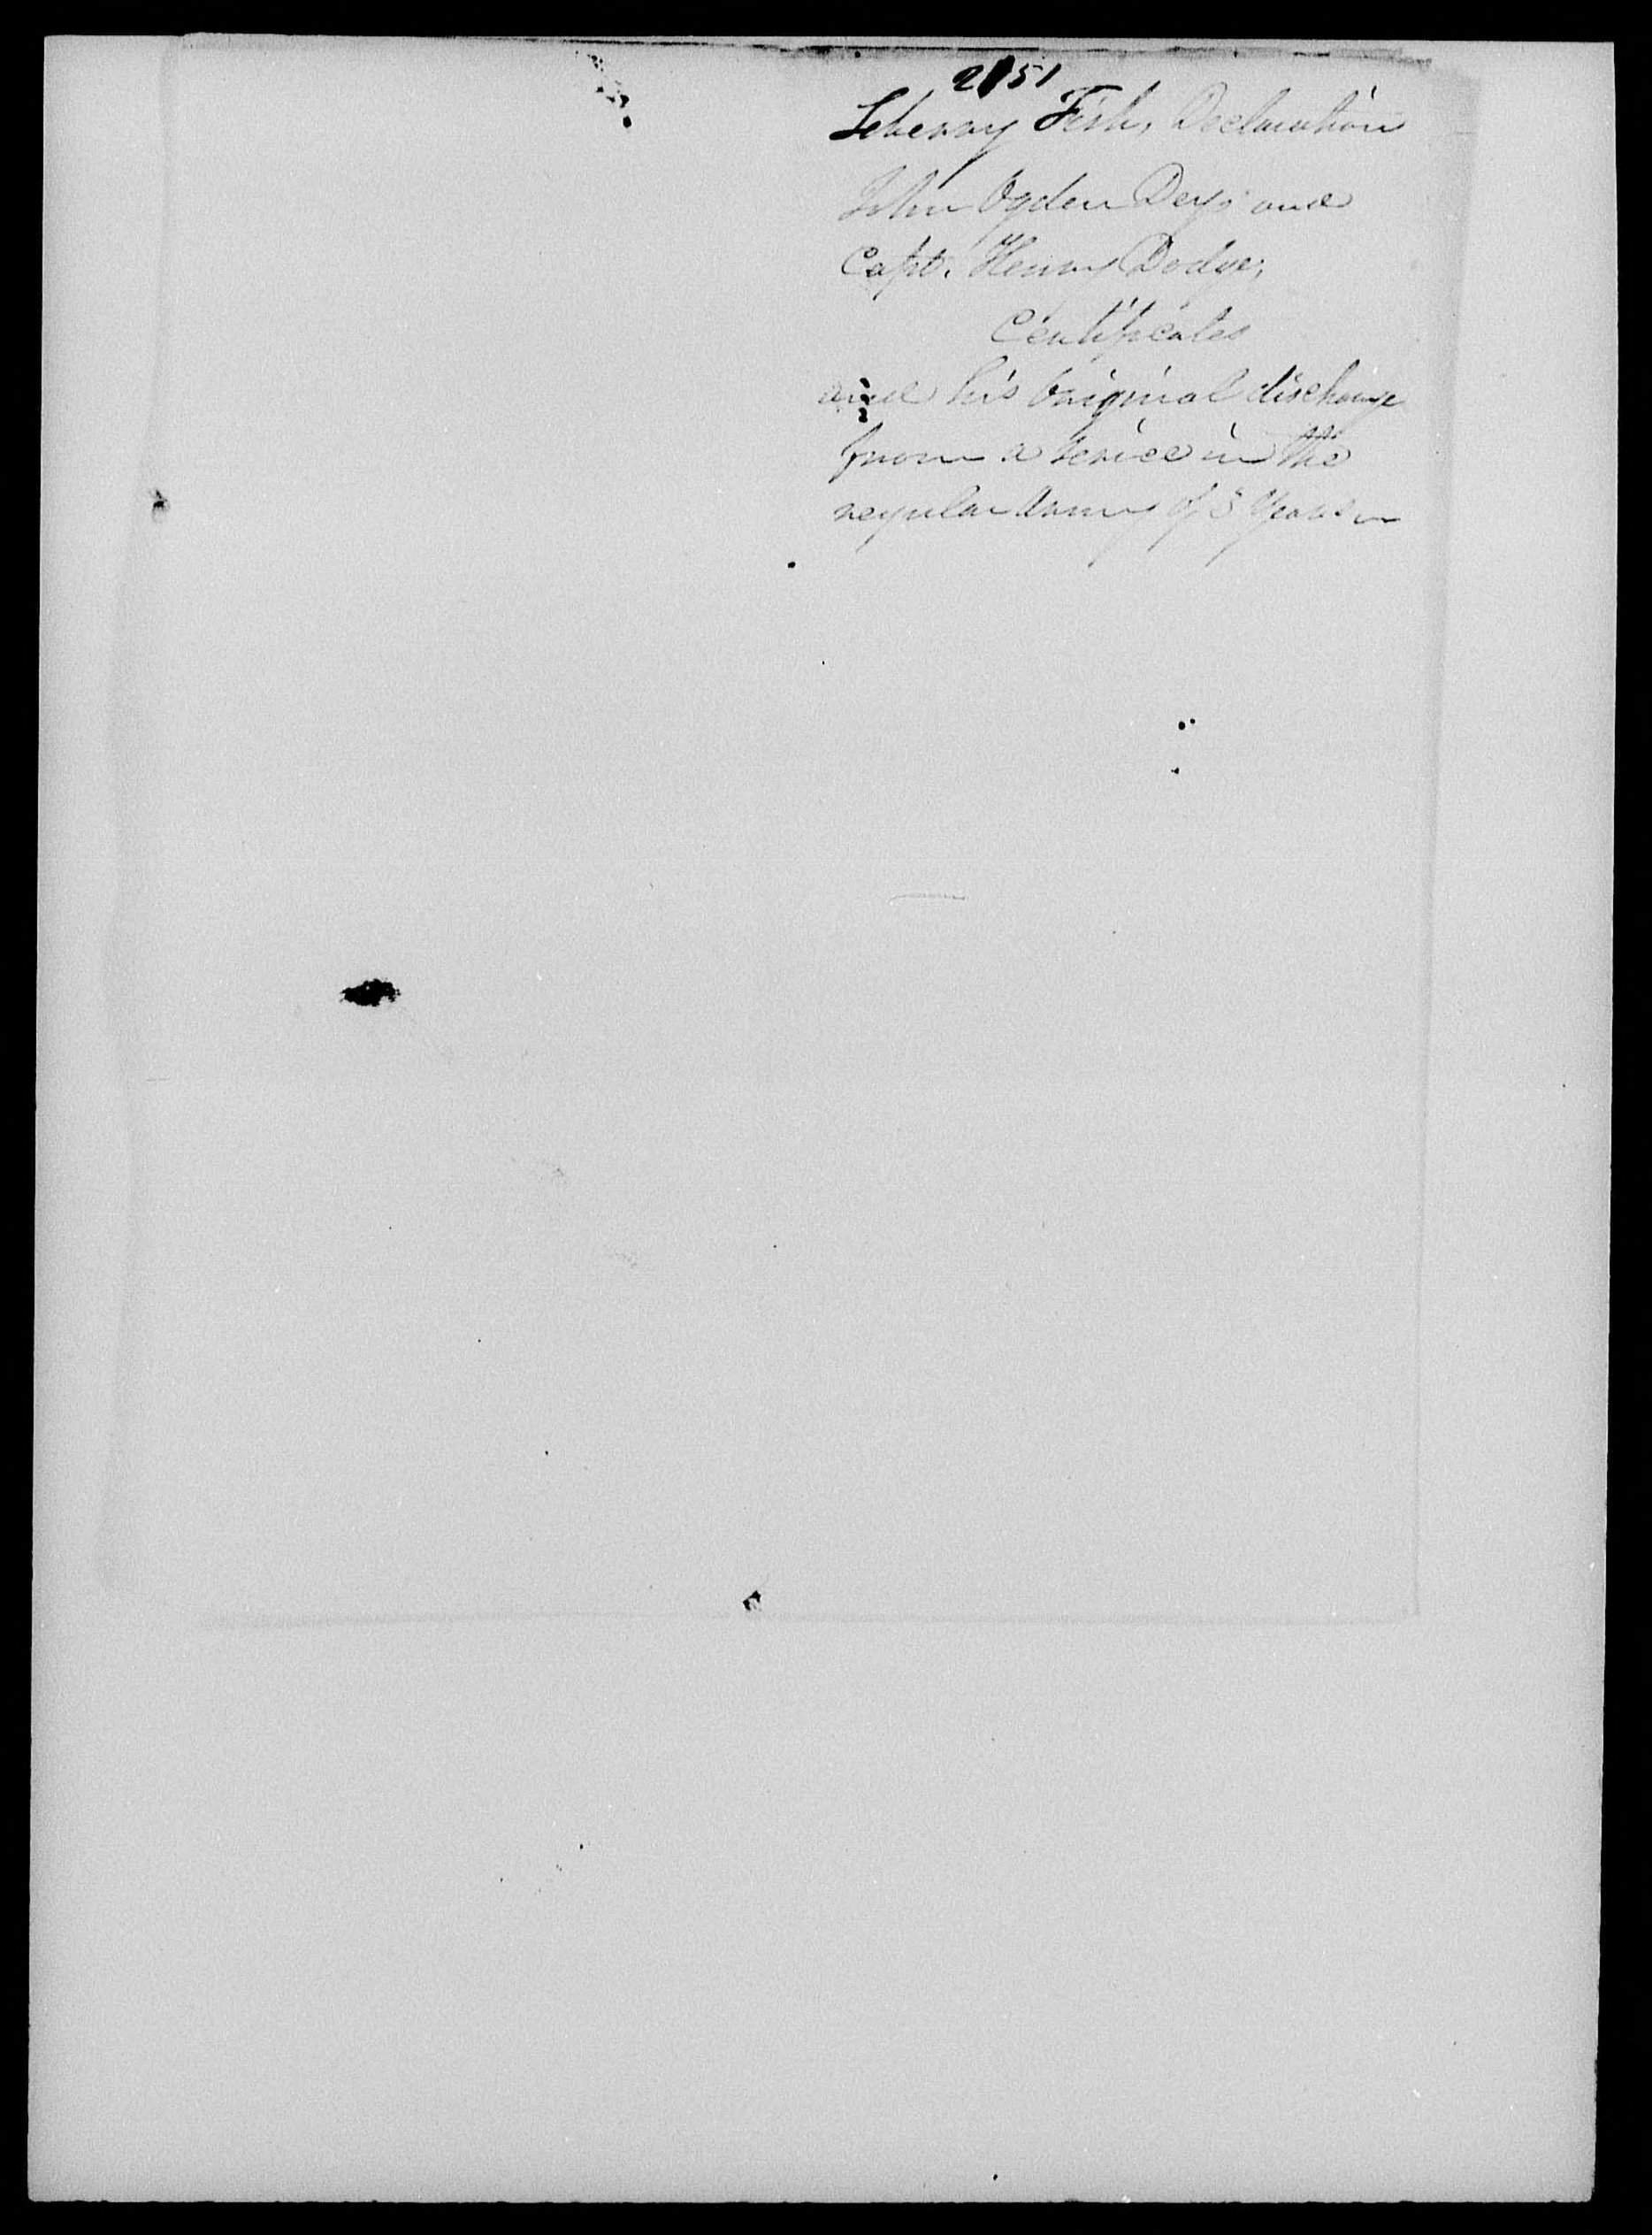[Handwritten record]

2151
Seberry [or Seberay or Leberry or Leberay] Fish, Declaration

John Ogden Deys [or Derf] and Capt. Henry Dodge; 
Certificates
and, his Original discharge
from a Service in the regular Army of 3 Years ~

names: Seberry Fish, Henry Dodge, John Ogden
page: 3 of 26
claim: survivor's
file: S. 29797, Seberry Fish, New York